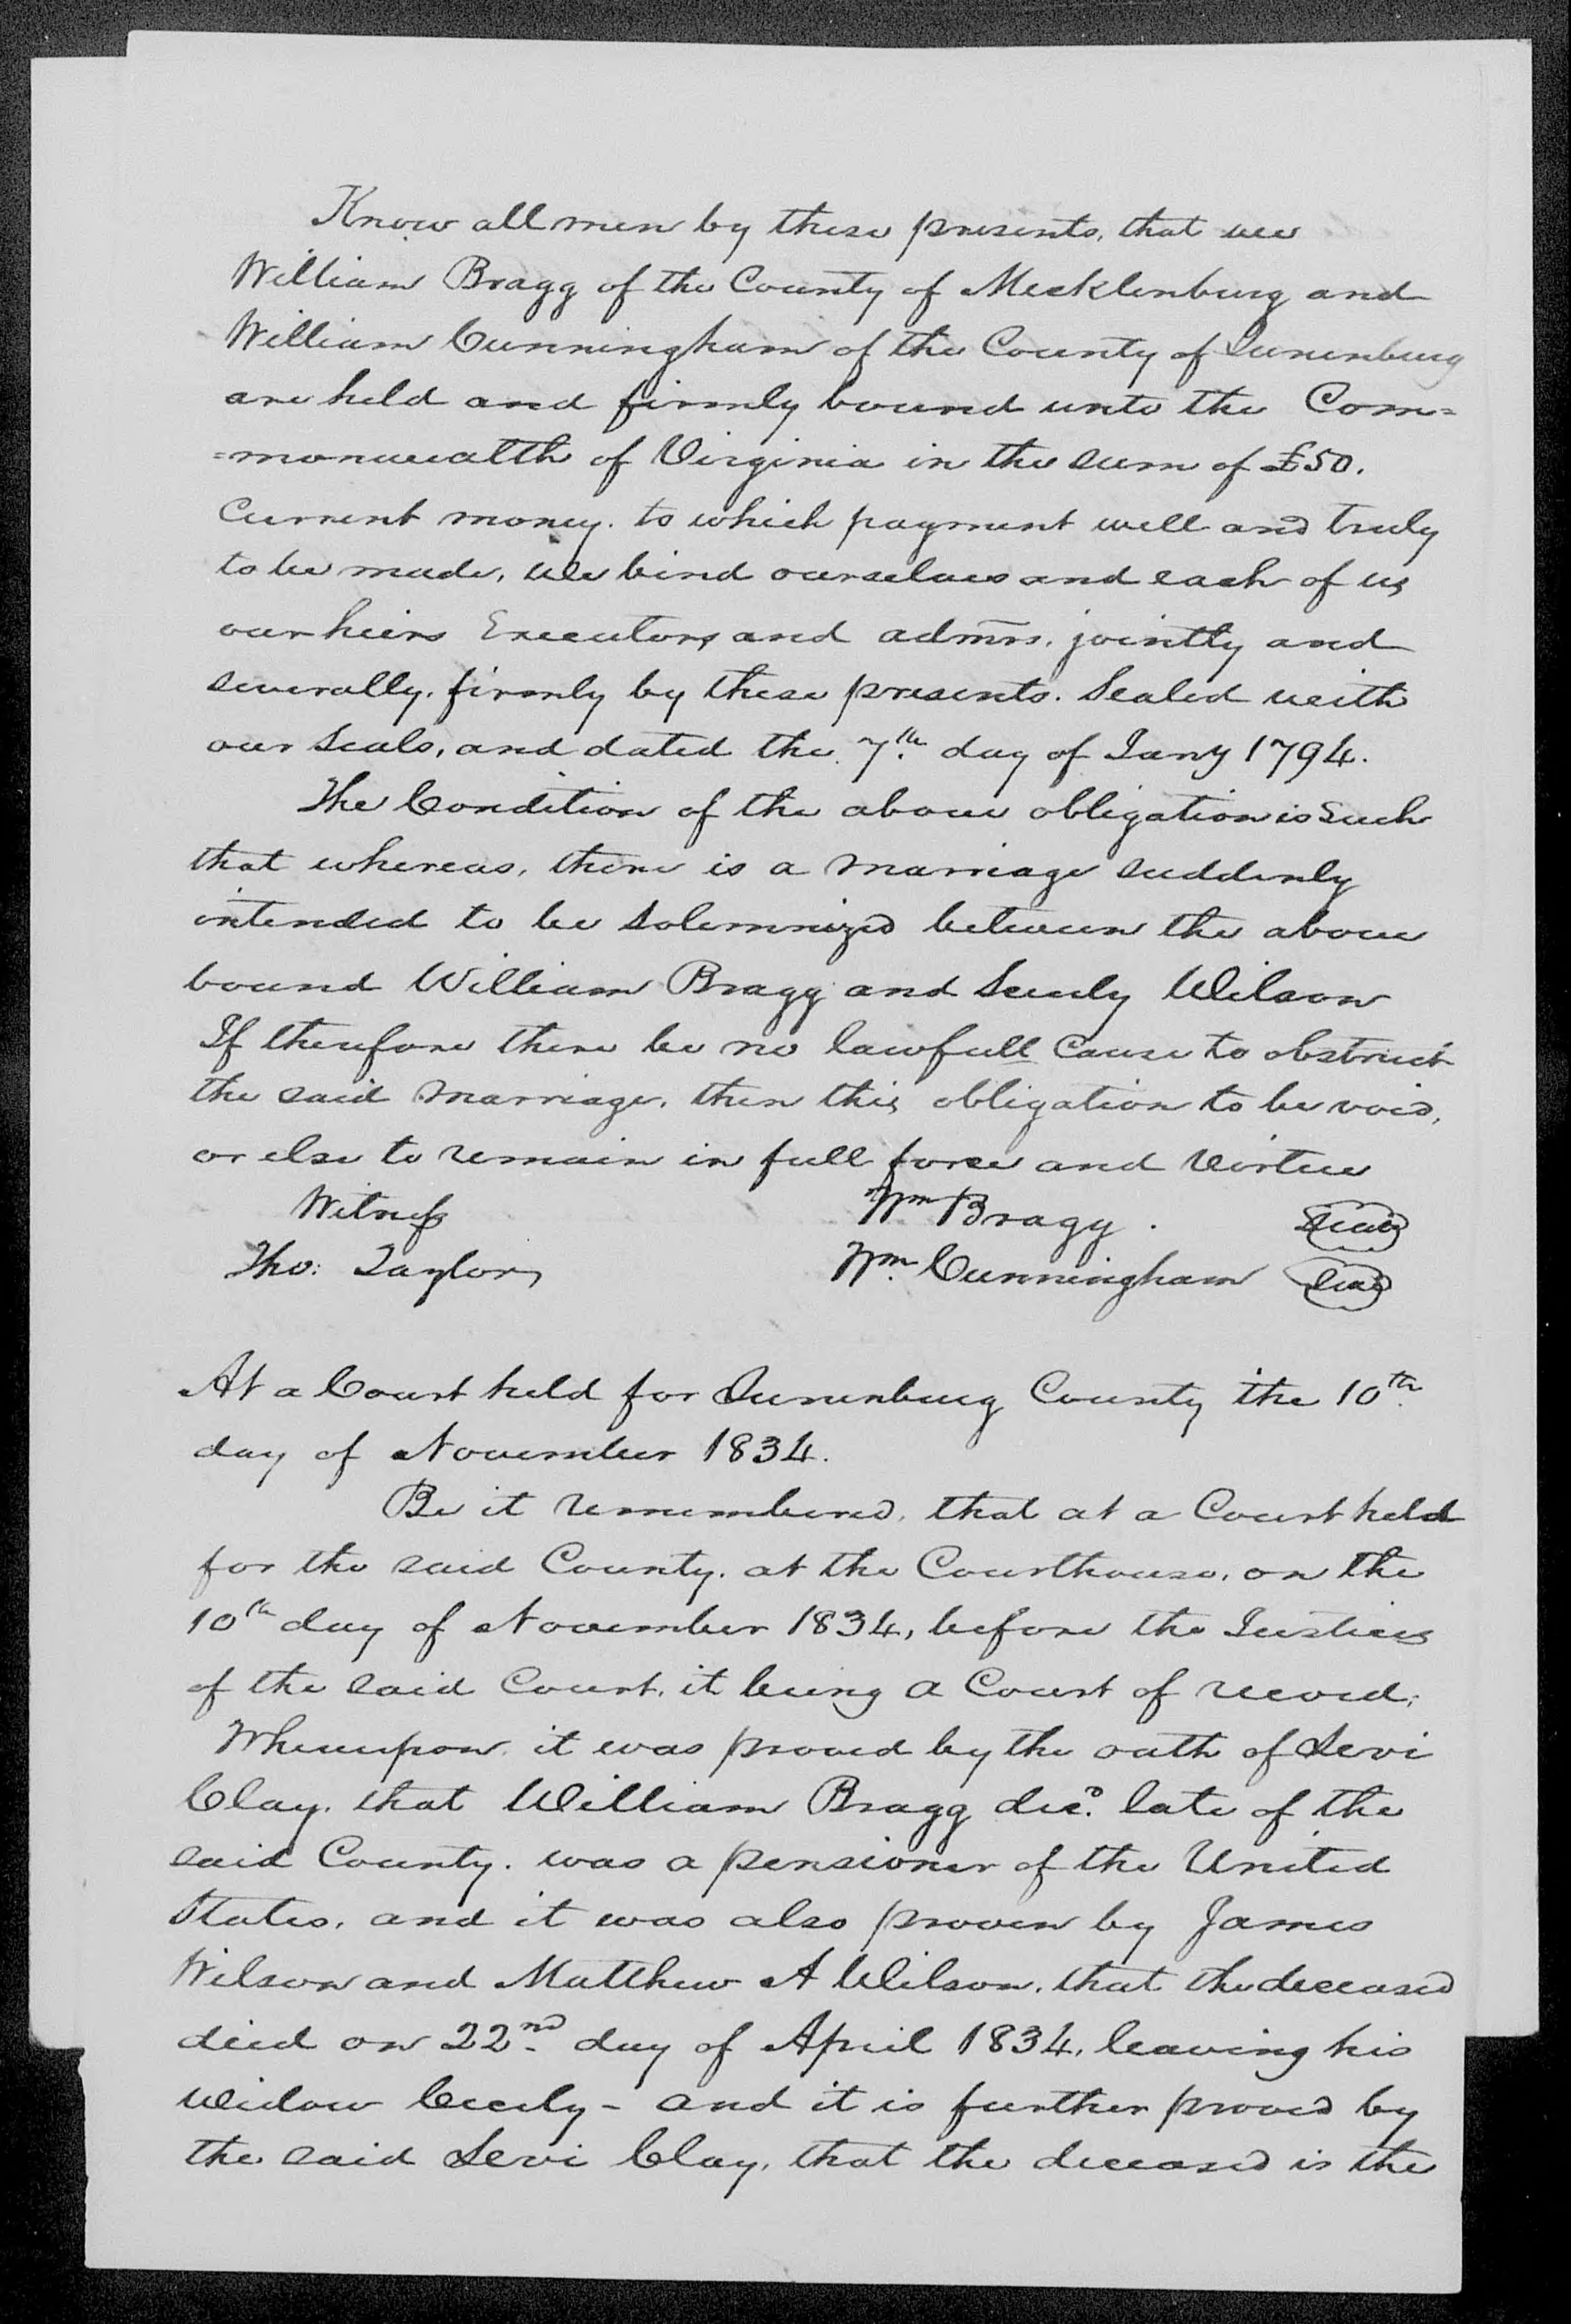Know all men by these presents, that we William Bragg of the County of Mecklenburg and William Cunningham of the County of Lunenburg are held and firmly bound unto the Commonwealth of Virginia in the sum of £50. Current money to which payment will and truly to be made. We bind ourselves and each of us our heirs Executors and admrs [administrators], jointly and severally, firmly by these presents. Sealed with our Seals, and dated the 7th day of Jany [January] 1794. 
The Condition of the above obligation is such that whereas, there is a marriage suddenly intended to be solemnized between the above bound William Bragg and Secely [Cecelia] Wilson If therefore there be no lawfull [lawful] cause to obstruct the said Marriage, then this obligation to be void or else to remain in full force and Virtue 
Witness Tho: Taylor
Wm. Bragg {Seal} 
Wm. Cunningham {Seal} 

At a Court held for Lunenburg County the 10th day of November 1834. 
Be it remembered, that at a Court held for the said County, at the Courthouse, on the 10th day of November 1834, before the Justices of the said Court, it being a Court of record, Whereupon it was proved by the oath of Levi Clay, that William Bragg decd [deceased] late of the said County was a pensioner of the United States, and it was also proven by James Wilson and Matthew A Wilson, that the deceased died on 22nd day of April 1834, leaving his widow Cecily - and it is further proved by the said Levi Clay, that the deceased is the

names: William Bragg, William Bragg, Levi Clay, Tho Taylor, James Wilson, Wm Cunningham, William Cunningham, Cecely, Scecely Wilson, William Bragg, Levi Clay, Matthew A Wilson, Wm Bragg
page: 13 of 19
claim: widow's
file: W. 2517, William Bragg, Va.